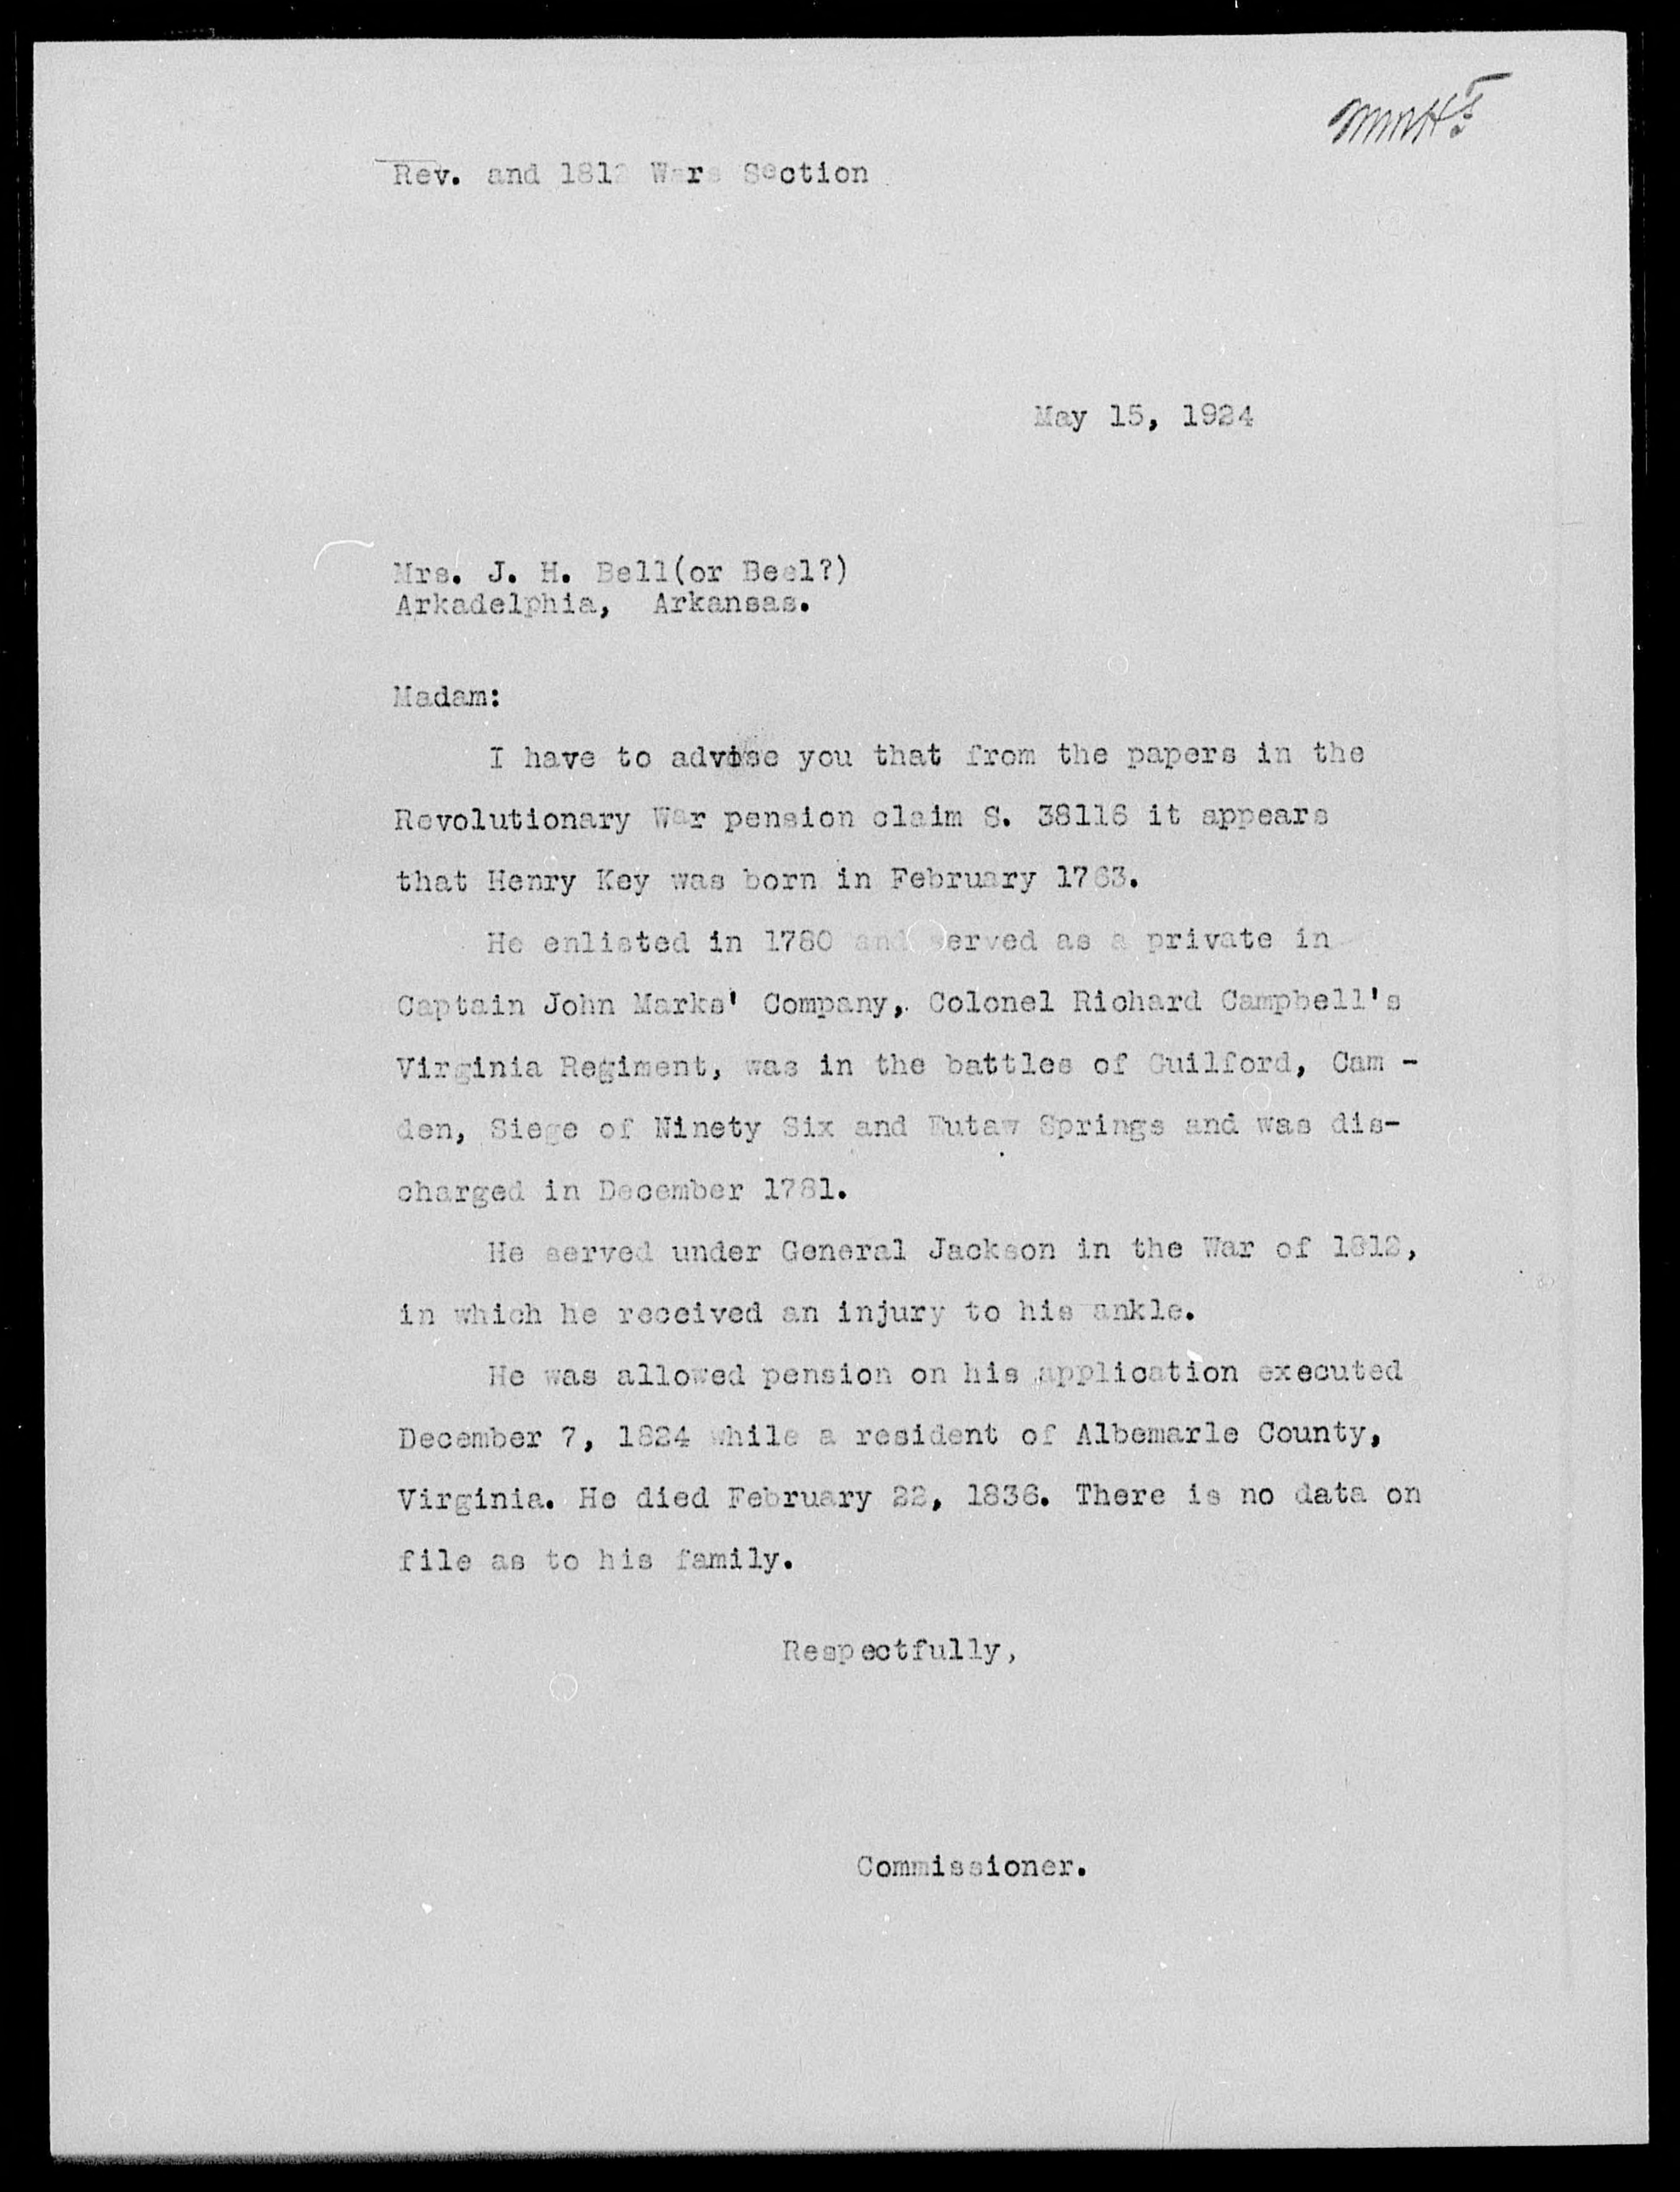Page 12

Rev. and 1812 Wars Section

May 15, 1924

Mrs. J. H. Bell (or Beel?)
Arkadelphia, Arkansas.

Madam:

I have to advise you that from the papers in the Revolutionary War pension claim S. 38116 it appears that Henry Key was born in February 1763.

He enlisted in 1780 and served as a private in
Captain John Marks' Company, Colonel Richard Campbell's Virginia Regiment, was in the battles of Guilford, Cam[hyphen]den, Siege of Ninety Six and Eutaw Springs and was discharged in December 1781.

He served under General Jackson in the War of 1812, in which he received an injury to his ankle.

He was allowed pension on his application executed December 7,1824 while a resident of Albemarle County, Virginia. He died February 22, 1836. There is no data on file as to his family.

Respectfully,
Commissioner.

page: 12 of 25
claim: survivor's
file: S 38116, for Henry Key, Virginia